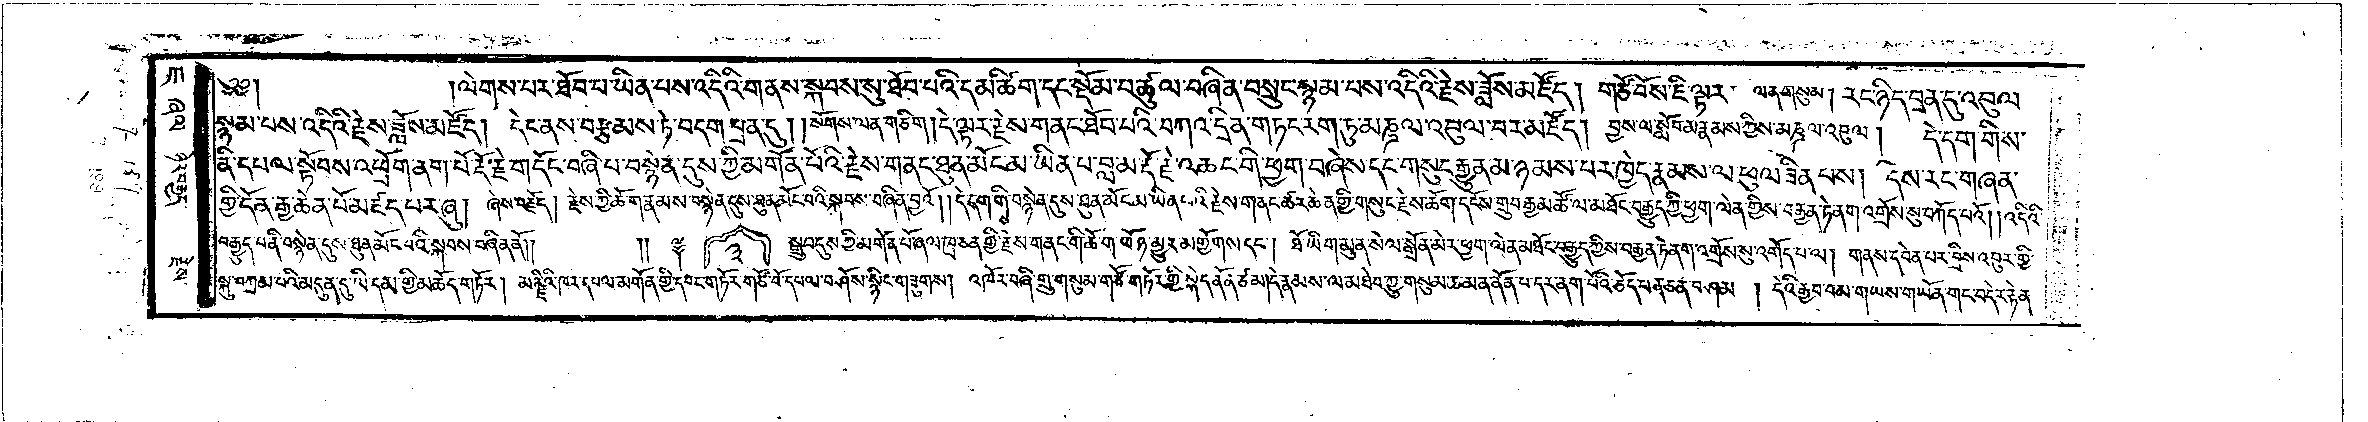༄༅། །ལེགས་པར་ཐོབ་པ་ཡིན་པས་འདིའི་གནས་སྐབས་སུ་ཐོབ་པའི་དམ་ཚིག་དང་སྡོམ་པ་ཚུལ་བཞིན་བསྲུང་སྙམ་པས་འདིའི་རྗེས་ཟློས་མཛོད། གཙོ་བོས་ཇི་ལྟར། ལན་གསུམ།  རང་ཉིད་བྲན་དུ་འབུལ་
སྙམ་པས་འདིའི་རྗེས་ཟློས་མཛོད། དེང་ནས་བརྩམས་ཏེ་བདག་བྲན་དུ། །སོགས་ལན་གཅིག་།དེ་ལྟར་རྗེས་གནང་ཐོབ་པའི་བཀའ་དྲིན་གཏང་རག་ཏུ་མཎྜལ་འབུལ་བར་མཛོད། བྱས་ལ་སློབ་མ་རྣམས་ཀྱིས་མཎྜལ་འབུལ།  དེ་དག་གིས་
ནི་དཔལ་སྟོབས་འཕྲོག་ནག་པོ་རྡོ་རྗེ་གདོང་བཞི་པ་བསྙེན་དུས་ཀྱི་མགོན་པོའི་རྗེས་གནང་ཐུན་མོང་མ་ཡིན་པ་བླ་མ་རྡོ་རྗེ་འཆང་གི་ཕྱག་བཞེས་དང་གསུང་རྒྱུན་མ་ཉམས་པར་ཁྱེད་རྣམས་ལ་ཕུལ་ཟིན་པས། དེས་རང་གཞན་
གྱི་དོན་རྒྱ་ཆེན་པོ་མཛད་པར་ཞུ། ཞེས་བརྗོད། རྗེས་ཀྱི་ཆོ་ག་རྣམས་བསྙེན་དུས་ཐུན་མོང་བའི་སྐབས་བཞིན་བྱའོ། །དེ་དག་གིས་བསྙེན་དུས་ཐུན་མོང་མ་ཡིན་པའི་རྗེས་གནང་ཚར་ཆེན་གྱི་གསུང་རྗེས་ཆོག་དངོས་གྲུབ་རྒྱ་མཚོ་ལ་མཐོང་བརྒྱུད་ཀྱི་ཕྱག་ལེན་གྱིས་བརྒྱན་ཏེ་ནག་འགྲོས་སུ་བཀོད་པའོ། །འདིའི་
བརྒྱུད་པ་ནི་བསྙེན་དུས་ཐུན་མོང་པའི་སྐབས་བཞིན་ནོ།། ། ༈ ༼༽༣༼༽ སྒྲུབ་དུས་ཀྱི་མགོན་པོ་ཞལ་ཁྲ་ཅན་གྱི་རྗེས་གནང་གི་ཆོ་ག་ཕོ་ཉ་མྱུར་མགྱོགས་དང་། ཐོ་ཡིག་མུན་སེལ་སྒྲོན་མེར་ཕྱག་ལེན་མཐོང་བརྒྱུད་ཀྱིས་བརྒྱན་ཏེ་ནག་འགྲོས་སུ་འགོད་པ་ལ། གནས་དབེན་པར་བྲིས་འབུར་གྱི་
སྐུ་བཀྲམ་པའི་མདུན་དུ་ཡི་དམ་གྱི་མཆོད་གཏོར། མནྫིའི་ཁར་དཔལ་མགོན་གྱི་དབང་གཏོར་གཙོ་བོ་དཔལ་བཤོས་སྙིང་གཟུགས། འཁོར་བཞི་གྲུ་གསུམ་གཙོ་གཏོར་གྱི་སྐེད་ནོན་ཙམ། དེ་རྣམས་ལ་མཐེབ་ཀྱུ་གསུམ་ཆ་མན་ནོན་པ་དར་ནག་པོའི་ཅོད་པན་ཅན་བཤམ་དེའི་རྒྱབ་བམ་གཡས་གཡོན་གང་བདེར་རྟེན་